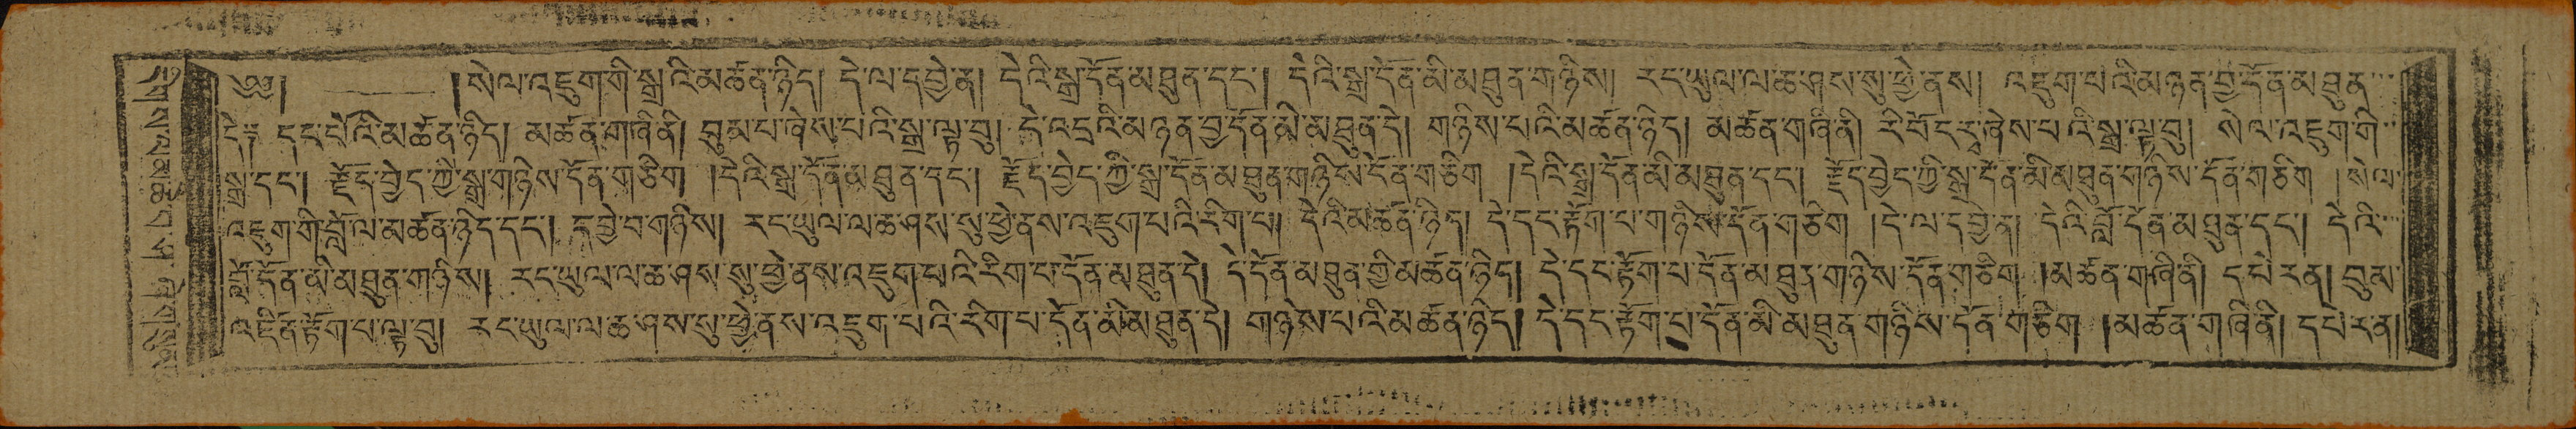༄༅། །སེལ་འཇུག་གི་སྒྲའི་མཚན་ཉིད། དེ་ལ་དབྱེ་ན། དེའི་སྒྲ་དོན་མཐུན་དང་། དེའི་སྒྲ་དོན་མི་མཐུན་གཉིས། རང་ཡུལ་ལ་ཆ་ཤས་སུ་ཕྱེ་ནས། འཇུག་པའི་མཉན་བྱ་དོན་མཐུན་
དེ༑ དང་པོའི་མཚན་ཉིད། མཚན་གཞི་ནི། བུམ་པ་ཞེས་པའི་སྒྲ་ལྟ་བུ། དེ་འདྲའི་མཉན་བྱ་དོན་མི་མཐུན་དེ། གཉིས་པའི་མཚན་ཉིད། མཚན་གཞི་ནི། རི་བོང་རྭ་ཞེས་པའི་སྒྲ་ལྟ་བུ། སེལ་འཇུག་གི་
སྒྲ་དང་། རྗོད་བྱེད་ཀྱི་སྒྲ་གཉིས་དོན་གཅིག །དེའི་སྒྲ་དོན་མཐུན་དང་། རྗོད་བྱེད་ཀྱི་སྒྲ་དོན་མཐུན་གཉིས་དོན་གཅིག །དེའི་སྒྲ་དོན་མི་མཐུན་དང་། རྗོད་བྱེད་ཀྱི་སྒྲ་དོན་མི་མཐུན་གཉིས་དོན་གཅིག །སེལ་
འཇུག་གི་བློ་ལ་མཚན་ཉིད་དང་། དབྱེ་བ་གཉིས། རང་ཡུལ་ལ་ཆ་ཤས་སུ་ཕྱེ་ནས་འཇུག་པའི་རིག་པ། དེའི་མཚན་ཉིད། དེ་དང་རྟོག་པ་གཉིས་དོན་གཅིག །དེ་ལ་དབྱེ་ན། དེའི་བློ་དོན་མཐུན་དང་། དེའི་
བློ་དོན་མི་མཐུན་གཉིས། རང་ཡུལ་ལ་ཆ་ཤས་སུ་ཕྱེ་ནས་འཇུག་པའི་རིག་པ་དོན་མཐུན་དེ། དེ་དོན་མཐུན་གྱི་མཚན་ཉིད། དེ་དང་རྟོག་པ་དོན་མཐུན་གཉིས་དོན་གཅིག །མཚན་གཞི་ནི། དཔེར་ན། བུམ་
འཛིན་རྟོག་པ་ལྟ་བུ། རང་ཡུལ་ལ་ཆ་ཤས་སུ་ཕྱེ་ནས་འཇུག་པའི་རིག་པ་དོན་མི་མཐུན་དེ། གཉིས་པའི་མཚན་ཉིད། དེ་དང་རྟོག་པ་དོན་མི་མཐུན་གཉིས་དོན་གཅིག །མཚན་གཞི་ནི། དཔེར་ན།